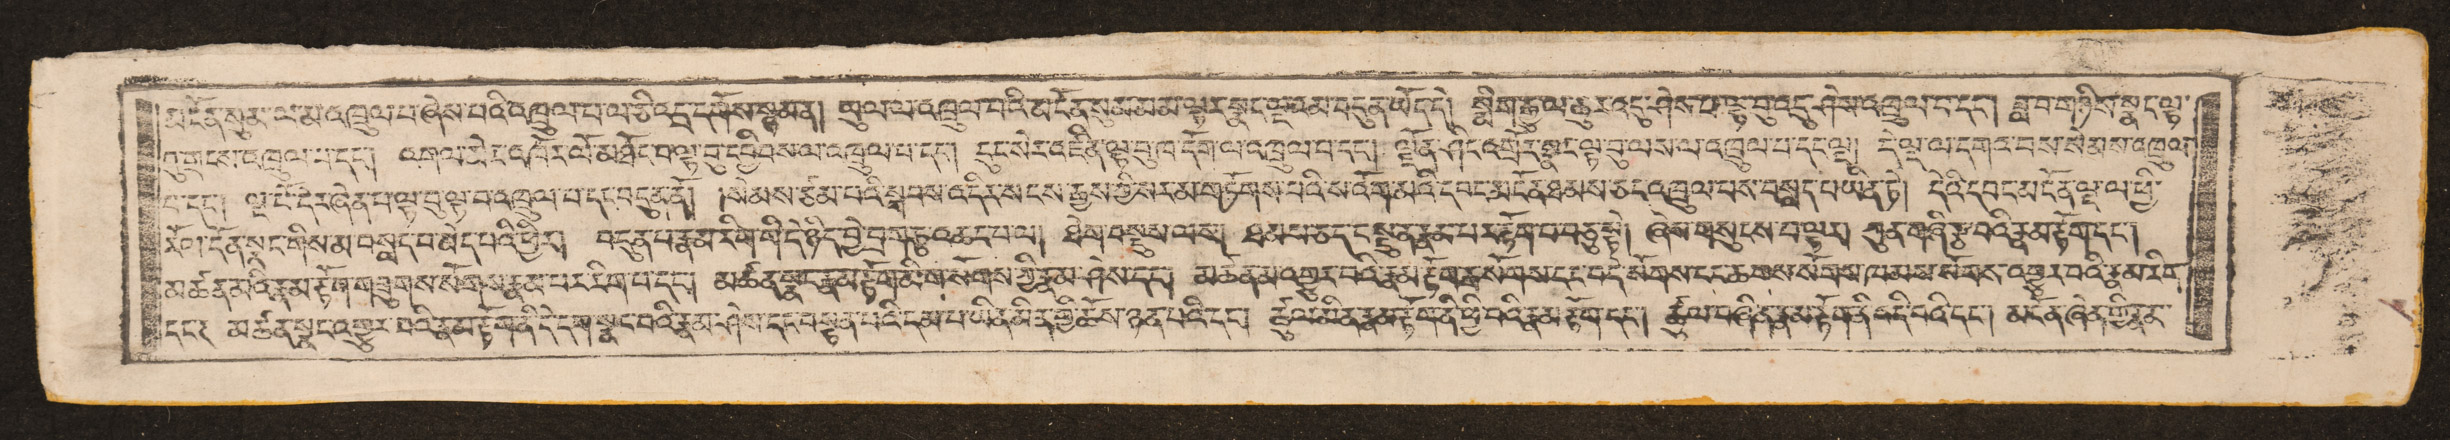མངོན་སུམ་ལ་མ་འཁྲུལ་པ་ཞེས་པའི་འཁྲུལ་པ་ལ་ཅི་འདྲ་དགོས་སྟམ་ན། ཡུལ་ལ་འཁྲུལ་པའི་མངོན་སུམ་མམ་ལྟར་སྣང་ལྔའམ་བདུན་ཡོད་དེ། སྨིག་རྒྱུ་ལ་ཆུར་འདུ་ཤེས་པ་ལྟ་བུ་འདུ་ཤེས་འཁྲུལ་པ་དང་། ཟླ་བ་གཉིས་སྣང་ལྟ་
བུ་གྲངས་འཁྲུལ་པ་དང་། འགལ་མེད་འཁོར་ལོ་མཐོང་བ་ལྟ་བུ་དབྱིབས་ལ་འཁྲུལ་པ་དང་། དུང་སེར་འཛིན་ལྟ་བུ་ཁ་དོག་ལ་འཁྲུལ་པ་དང་། ལྗོན་ཤིང་འགྲོར་སྣར་ལྟ་བུ་ལས་ལ་འཁྲུལ་པ་དང་ལྔ། དེ་ལྔ་ལ་དགའ་བས་སེམས་འཁྲུལ་
བ་དང་། ལྔ་པོ་དེར་ཞེན་པ་ལྟ་བུ་ལྟ་བ་འཁྲུལ་པ་དང་བདུན་ནོ། །སེམས་ཙམ་པའི་སྐབས་འདིར་སངས་རྒྱས་ཀྱི་སར་མ་གཏོགས་པའི་ས་འོག་མའི་དབང་མངོན་ཐམས་ཅད་འཁྲུལ་བས་བསླད་པ་ཡིན་ཏེ། དེའི་དབང་མངོན་ལྔ་ལ་ཕྱི་
རོལ་དོན་སྣང་གིས་མ་བསླད་པ་མེད་པའི་ཕྱིར། བདུན་པ་རྣམ་རིག་གི་དེ་ཉིད་བྱེ་བྲག་ཏུ་འཆད་པ་ལ། ཐེག་བསྡུས་ལས། ཐམས་ཅད་བསྡུ་ན་རྣམ་པར་རྟོག་ས་བཅུ་སྟེ། ཞེས་གསུངས་པ་ལྟར། ཀུན་གཞི་རྩ་བའི་རྣམ་རྟོག་དང་།
མཚན་མའི་རྣམ་རྟོག་གཟུགས་སོགས་རྣམ་པར་རིག་པ་དང་། མཚན་སྣང་རྣམ་རྟོག་མིག་སོགས་ཀྱི་རྣམ་ཤེས་དང་། མཚན་མ་འགྱུར་བའི་རྣམ་རྟོག་རྒ་སོགས་དང་བདེ་སོགས་དང་ཆགས་སོགས་ཁམས་སོགས་འགྱུར་བའི་རྣམ་རིག་
དང༑ མཚན་སྣང་འགྱུར་བའི་རྣམ་རྟོག་ནི་དེ་དག་སྣང་བའི་རྣམ་ཤེས་དང་བསྟན་པའི་དམ་པ་ཡིན་མིན་གྱི་ཆོས་ཉན་པའི་དང་། ཚུལ་མིན་རྣམ་རྟོག་ནི་ཕྱི་བའི་རྣམ་རྟོག་དང་། ཚུལ་བཞིན་རྣམ་རྟོག་ནི་འདི་བའི་དང་། མངོན་ཞེན་གྱི་རྣམ་